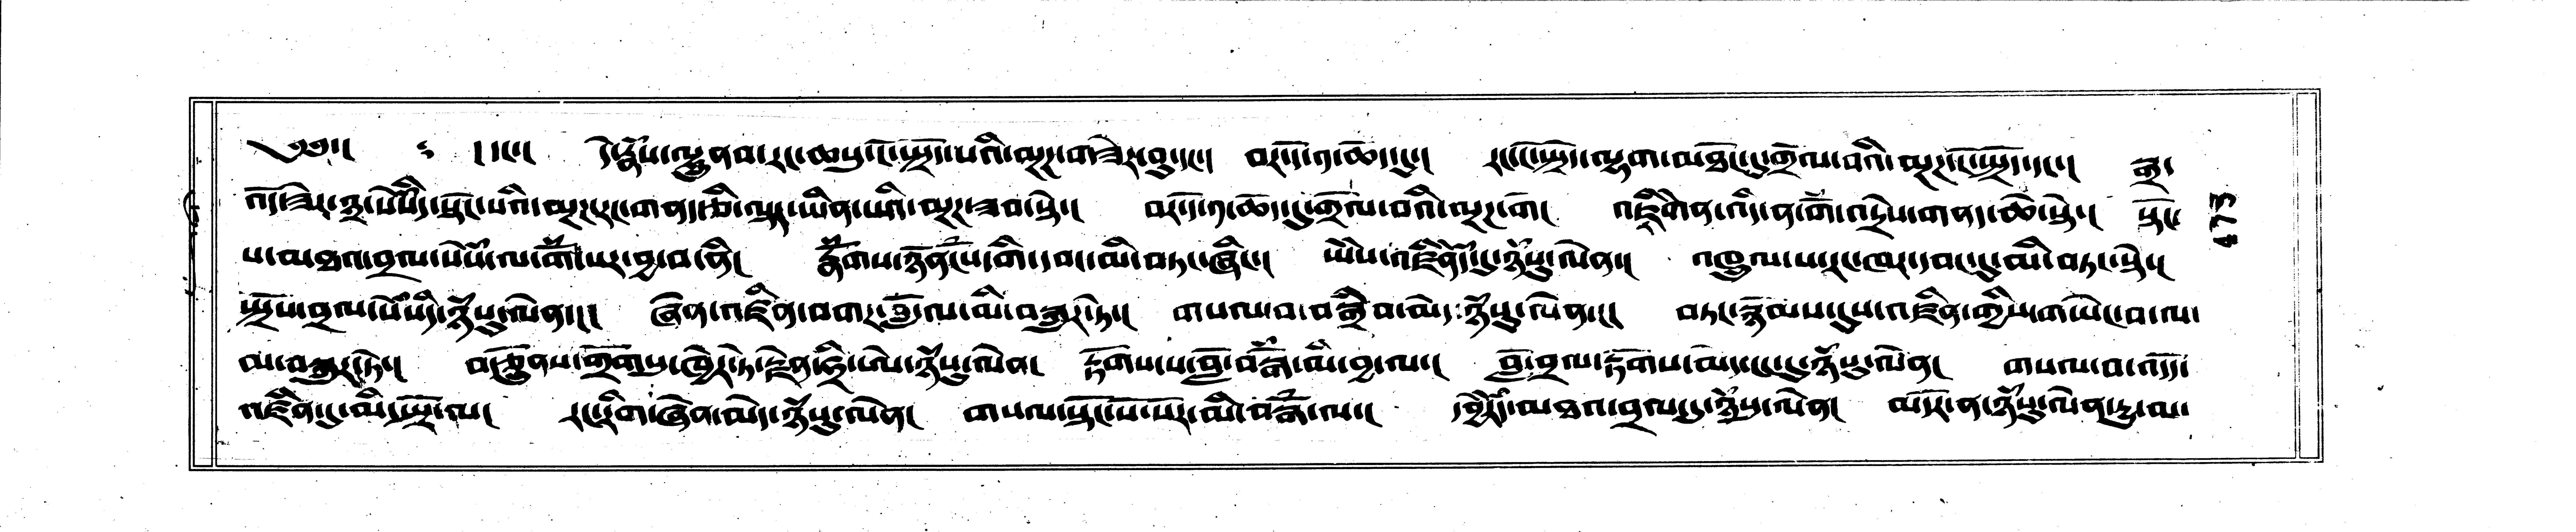དང་། དེ་རྣམས་ལྷུན་གྲུབ་རང་ཆས་སུ་ངོ་སྤྲད་པའི་མེ་ངག་གཟེར་བུ་དང་། ངོ་སྤྲོད་ལྷག་མཐོང་དུ་གྲོལ་བའི་མེ་ངག་བརྡའ་སྤྲོད་དང་། སྒྲ་
འོད་ཟེར་གསུམ་སེམས་ཉིད་སྟོང་པའི་མེ་ངག་རང་གནད་ཅི་ལྟར་ཡིན་པའི་མེ་ངག་ཟབ་སྟེ། བར་དོ་གཅིག་ཆོད་དུ་གྲོལ་བའི་མེ་ངག་གོ འཇིག་རྟེན་འདི་ནི་གོམ་འདྲིས་གནད་ཆེ་སྟེ། སྟོང་
པ་མཐའ་བྲལ་སེམས་ལ་གོམ་པར་བྱ་བ་ནི། རྣམ་རྟོག་ཉོན་མོངས་དབང་དུ་མི་བཏང་ཞིང་། ཡེ་ཤེས་འཛིན་མེད་དུ་ཉམས་སུ་ལེན། འཁྲུལ་པ་རང་ཁའི་དབང་དུ་མི་བཏང་ཏེ། 
སྤྲོས་བྲལ་སེམས་ཉིད་དུ་ཉམས་སུ་ལེན། ཞེ་འཛིན་བག་ཆགས་བློ་ལ་མ་བསྐུར་ཏེ། གསལ་ལ་སྒྲིབ་མེད་དུ་ཉམས་སུ་ལེན། བཏང་བསྙོམས་འདུ་འཛིན་གྱིས་གཡེང་བ་ལ་
མ་བསྐུར་ཏེ། བརྩོན་འགྲུས་གྲོགས་སུ་ཁྱེར་ཏེ་རྗེན་ཧྲི་ལེ་ཉམས་སུ་ལེན། རྟོག་པ་བློ་སྒོམས་མི་བྱ་ལ། བློ་བྲལ་རྟོག་མེད་ངང་དུ་ཉམས་སུ་ལེན། གསལ་བ་འདོད་
མི་སྤྲོ་ལ། རང་རིག་ཞེན་མེད་དུ་ཉམས་སུ་ལེན། གསལ་སྟོང་སོ་སོར་མི་སྒོམས་ལ། དབྱེར་མེད་མཐའ་བྲལ་དུ་ཉམས་སུ་ལེན། མདོར་ན་ཉམས་སུ་ལེན་རྒྱུ་མ་